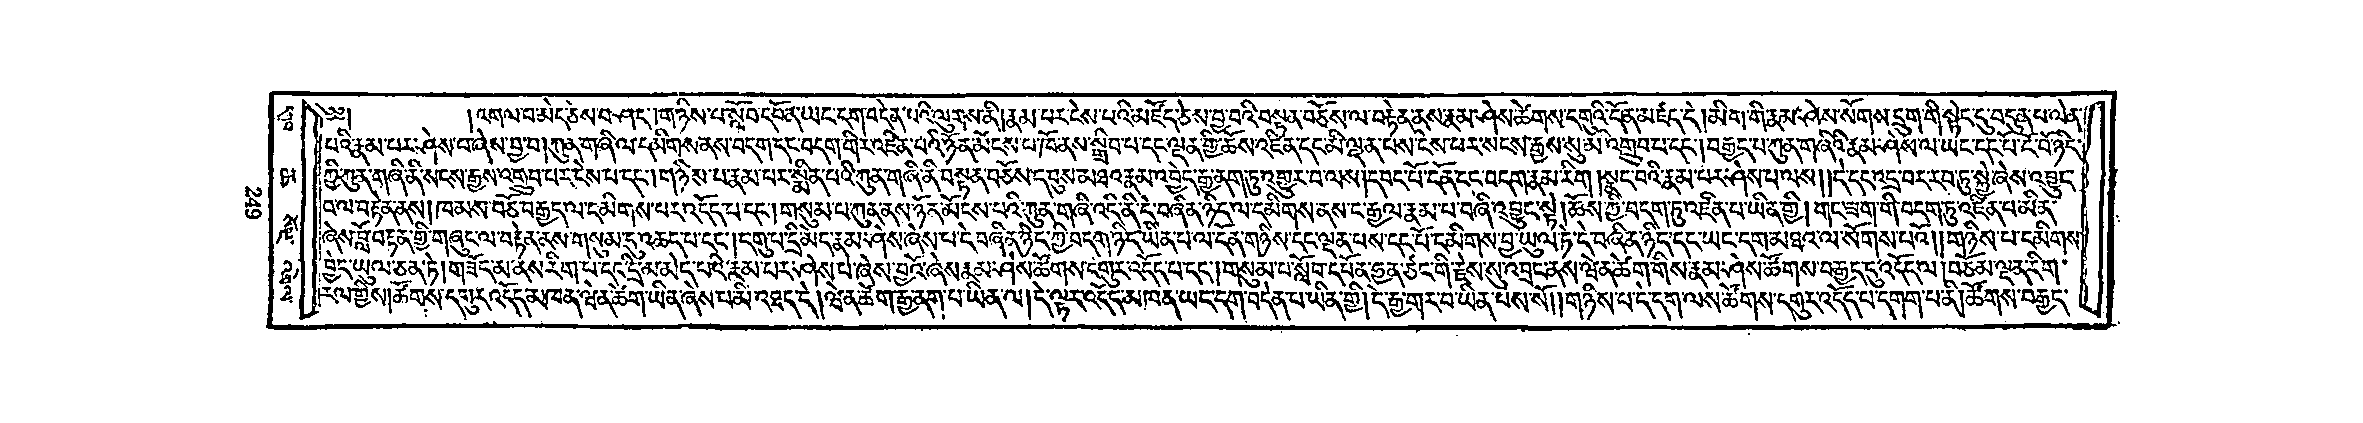༄༅། །འགལ་བ་མེད་ཅེས་བཤད། གཉིས་པ་སློབ་དཔོན་ཡང་དག་བདེན་པའི་ལུགས་ནི། རྣམ་པར་ངེས་པའི་མཛོད་ཅེས་བྱ་བའི་བསྟན་བཅོས་ལ་བརྟེན་ནས་རྣམ་ཤེས་ཚེགས་དགུའི་དོན་མཛད་དེ། མིག་གི་རྣམ་ཤེས་སོགས་དྲུག་གི་སྟེང་དུ་བདུན་པ་ལེན་
པའི་རྣམ་པར་ཤེས་པ་ཞེས་བྱ་བ། ཀུན་གཞི་ལ་དམིགས་ནས་བདག་དང་བདག་གིར་འཛིན་པའི་ཉོན་མོངས་པ་ཁོ་ནས་སྒྲིབ་པ་དང་ལྡན་གྱི་ཆོས་འཛིན་དང་མི་ལྡན་པས་ངེས་པར་སངས་རྒྱས་སུ་མི་འགྲུབ་པ་དང་། བརྒྱད་པ་ཀུན་གཞིའི་རྣམ་ཤེས་ལ་ཡང་དང་པོ་ངོ་བོ་ཉིད་
ཀྱི་ཀུན་གཞི་ནི་སངས་རྒྱས་འགྲུབ་པར་ངེས་པ་དང་། གཉིས་པ་རྣམ་པར་སྨིན་པའི་ཀུན་གཞི་ནི་བསྟན་བཅོས་དབུས་མཐའ་རྣམ་འབྱེད་རྒྱ་ནག་ཏུ་འགྱུར་བ་ལས། དབང་པོ་དོན་དང་བདག་རྣམ་རིག །སྣང་བའི་རྣམ་པར་ཤེས་པ་ལས། །དེ་དང་འདྲ་བར་རབ་ཏུ་སྐྱེ་ཞེས་འབྱུང་
བ་ལ་བརྟེན་ནས། ཁམས་བཅོ་བརྒྱད་ལ་དམིགས་པར་འདོད་པ་དང་། གསུམ་པ་ཀུན་ནས་ཉོན་མོངས་པའི་ཀུན་གཞི་འདི་ནི་དེ་བཞིན་ཉིད་ལ་དམིགས་ནས་ང་རྒྱལ་རྣམ་པ་བཞི་འབྱུང་སྟེ། ཆོས་ཀྱི་བདག་ཏུ་འཛིན་པ་ཡིན་གྱི། གང་ཟག་གི་བདག་ཏུ་འཛིན་པ་མིན་
ཞེས་བློ་བརྟན་གྱི་གཞུང་ལ་བརྟེན་ནས་གསུམ་དུ་འཆད་པ་དང་། དགུ་པ་དྲི་མེད་རྣམ་ཤེས་ཞེས་པ་དེ་བཞིན་ཉིད་ཀྱི་བདག་ཉིད་ཡིན་པ་ལ་དོན་གཉིས་དང་ལྡན་པས་དང་པོ་དམིགས་བྱ་ཡུལ་ཏེ་དེ་བཞིན་ཉིད་དང་ཡང་དག་མཐའ་ལ་སོགས་པའོ། །གཉིས་པ་དམིགས་
བྱེད་ཡུལ་ཅན་ཏེ། གཟོད་མ་ནས་རིག་པ་དང་དྲི་མ་མེད་པའི་རྣམ་པར་ཤེས་པ་ཞེས་བྱའོ་ཞེས་རྣམ་ཤེས་ཚོགས་དགུར་འདོད་པ་དང་། གསུམ་པ་སློབ་དཔོན་ཧྱན་ཙང་གི་རྗེས་སུ་འབྲང་ནས་ཝེན་ཚེག་གིས་རྣམ་ཤེས་ཚོགས་བརྒྱད་དུ་འདོད་ལ། བཅོམ་ལྡན་རིག་
རལ་གྱིས། ཚོགས་དགུར་འདོད་མཁན་ཝེན་ཚེག་ཡིན་ཞེས་པ་མི་འཐད་དེ། ཝེན་ཚེག་རྒྱ་ནག་པ་ཡིན་ལ། དེ་ལྟར་འདོད་མཁན་ཡང་དག་བདེན་པ་ཡིན་གྱི། དེ་རྒྱ་གར་བ་ཡིན་པས་སོ། །གཉིས་པ་དེ་དག་ལས་ཚོགས་དགུར་འདོད་པ་དགག་པ་ནི། ཚོགས་བརྒྱད་